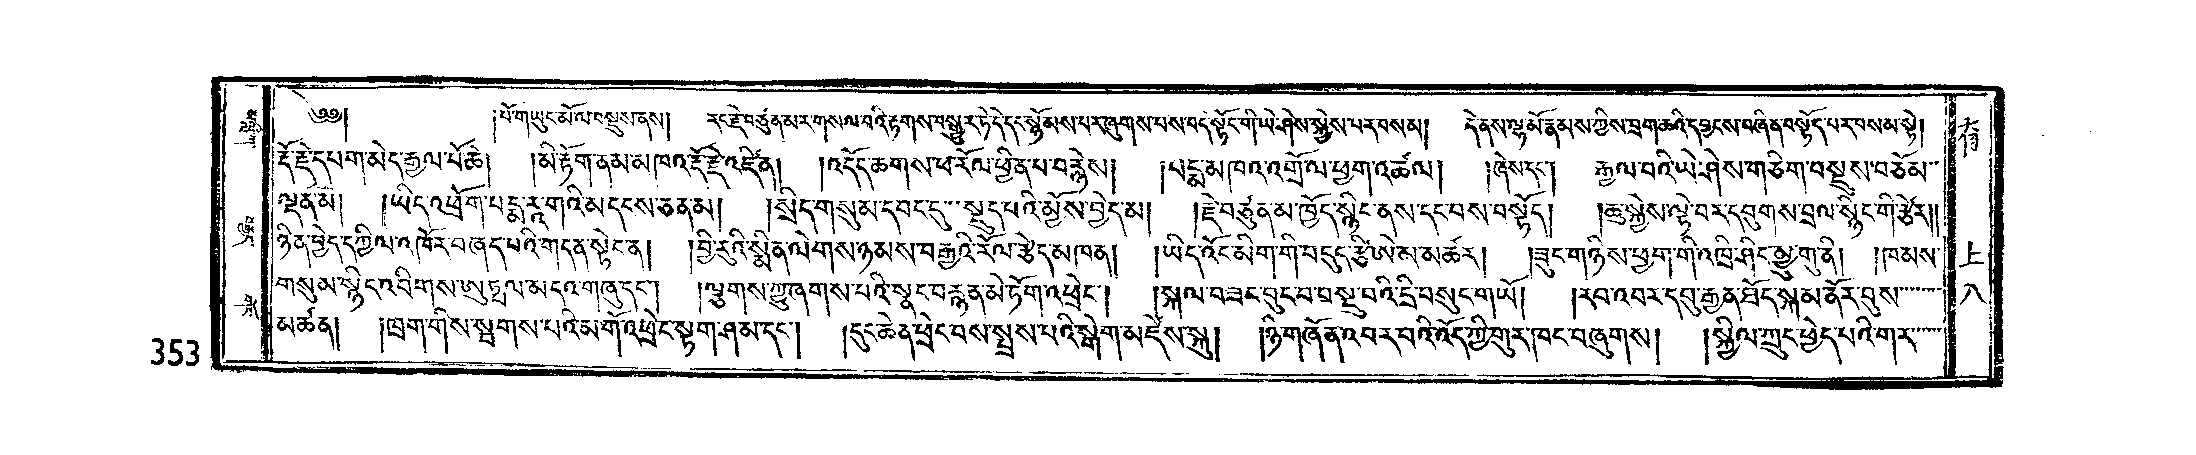༄༅། །པོ་གཡུང་མོ་ལ་བསྡུས་ནས། རང་རྗེ་བཙུན་མར་གསལ་བའི་རྟགས་བསྒྱུར་ཏེ་དེ་དང་སྙོམས་པར་ཞུགས་པས་བདེ་སྟོང་གི་ཡེ་ཤེས་སྐྱེས་པར་བསམ། དེ་ནས་ལྷ་མོ་རྣམས་ཀྱིས་བྲག་ཆའི་དབྱངས་བཞིན་བསྟོད་པར་བསམ་སྟེ།
རྡོ་རྗེ་དཔག་མེད་རྒྱལ་པོ་ཆེ། །མི་རྟོག་ནམ་མཁའ་རྡོ་རྗེ་འཛིན། །འདོད་ཆགས་ཕ་རོལ་ཕྱིན་པ་བརྙེས། །པདམ་མཁའ་འགྲོ་ལ་ཕྱག་འཚལ། །ཞེས་དང་། རྒྱལ་བའི་ཡེ་ཤེས་གཅིག་བསྡུས་བཅོམ་
ལྡན་མ། །ཡིད་འཕྲོག་པདམ་རཱ་གའི་མདངས་ཅན་མ། །སྲིད་གསུམ་དབང་དུ་སྡུད་པའི་མྱོས་བྱེད་མ། །རྗེ་བཙུན་མ་ཁྱོད་སྙིང་ནས་དང་བས་བསྟོད། །ཆུ་སྐྱེས་ལྟེ་བར་དབུགས་བྲལ་སྙིང་གི་རྩེར། །
ཉིན་བྱེད་དཀྱིལ་འཁོར་བཞད་པའི་གདན་སྟེང་ན། །བྱི་རུའི་སྨིན་ལེགས་ཉམས་བརྒྱའི་རོལ་རྩེད་མཁན། །ཡིད་འོང་མིག་གི་བདུད་རྩི་ཨེ་མ་མཚར། །ཟུང་གཉིས་ཕྱག་གི་འཁྲི་ཤིང་མྱུ་གུ་ནི། །ཁམས་
གསུམ་སྙིང་འབིགས་ཨུཏྤལ་མདའ་གཞུ་དང་། །ལྕགས་ཀྱུ་ཞགས་པའི་སྣང་བརྙན་མེ་ཏོག་འཕྲེང་། །སྐལ་བཟང་བུང་བ་བསྡུ་བའི་དྲི་བསུང་གཡོ། །རབ་འབར་དབུ་རྒྱན་ཐོད་སྐམ་ནོར་བུས་
མཚན། །ཁྲག་གིས་སྦགས་པའི་མགོ་འཕྲེང་སྟག་ཤམ་དང་། །དུང་ཆེན་ཕྲེང་བས་སྤྲས་པའི་སྒེག་མཛེས་སྐུ། །ཉི་གཞོན་འབར་བའི་འོད་ཀྱི་གུར་ཁང་བཞུགས། །སྐྱིལ་ཀྲུང་ཕྱེད་པའི་གར་